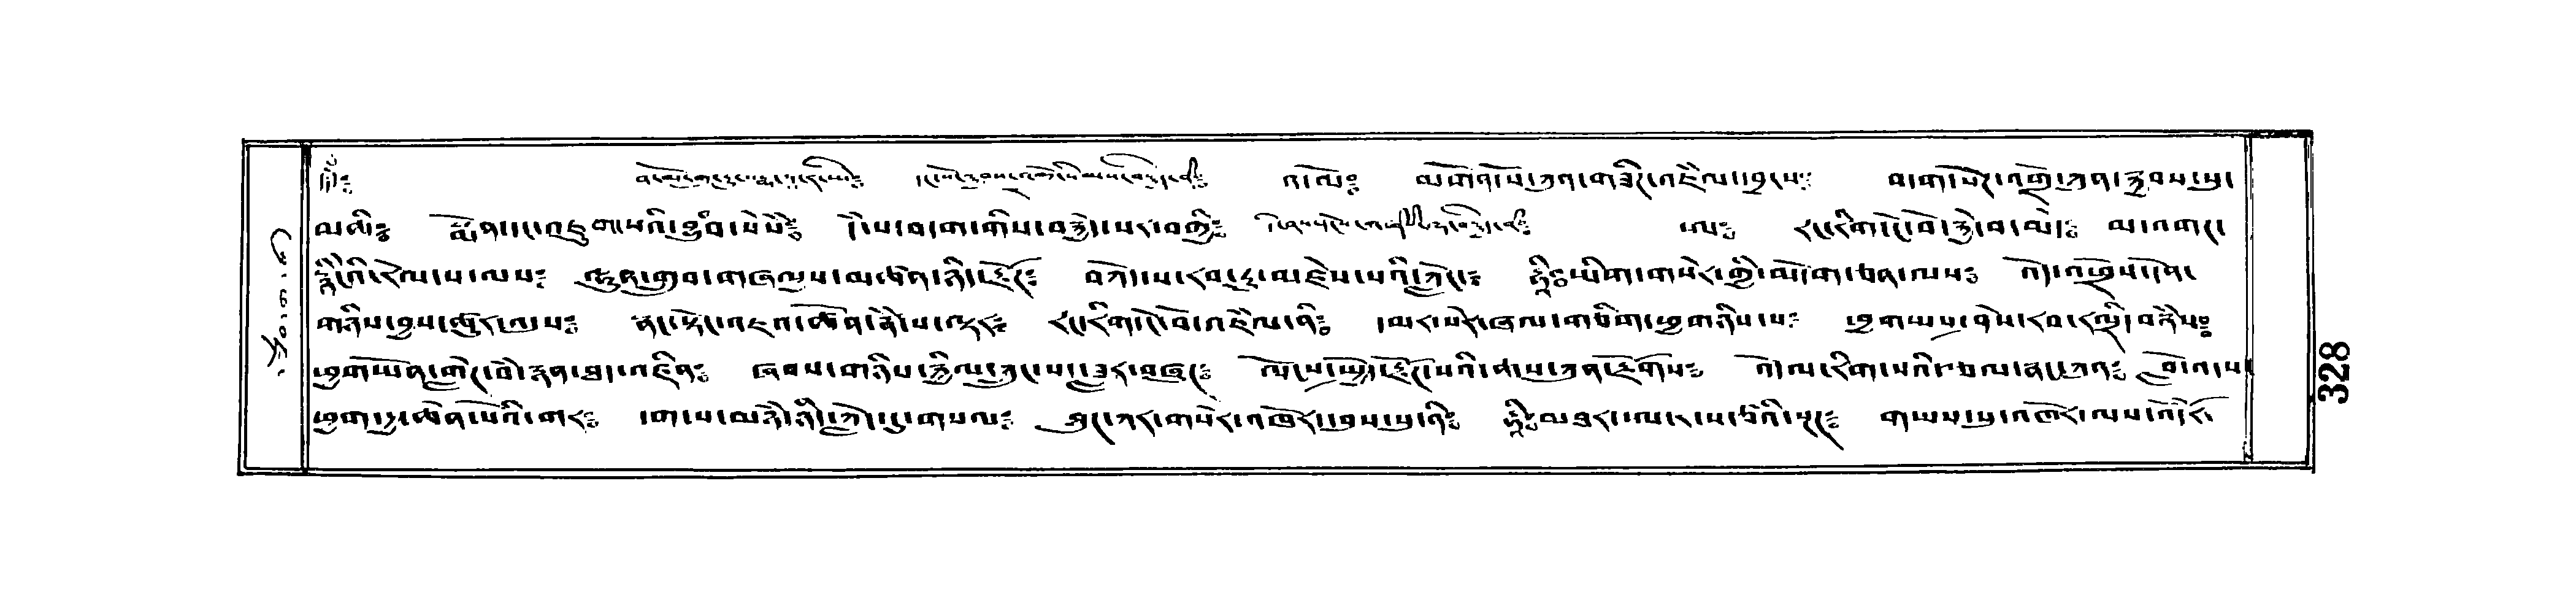ན་མོ་གུ་རུ་པདྨ་ཀཱ་ར་ཡེ༔ དང་པོ་སྐྱབས་འགྲོ་སེམས་བསྐྱེད་ནི༔ ན་མོ༔ མགོན་པོ་ཀུན་གཟིགས་འཇམ་དཔལ་དབྱངས༔ བདག་སོགས་འགྲོ་ཀུན་སྐྱབས་སུ་
མཆི༔ སྨོན་དང་འཇུག་པའི་བྱང་ཆུབ་སེམས༔ དམ་པ་བདག་གིས་བསྐྱེད་པ་བགྱི༔ དེ་ནས་དངོས་གཞིའི་ལྷ་བསྐྱེད་ནི༔ ཨཱཿ རང་རིག་ངོ་བོ་སྐྱེ་བ་མེད༔ མ་འགགས་
སྙིང་རྗེའི་རོལ་པ་ལས༔ ལྷུན་གྲུབ་གཞལ་ཡས་མཚན་ཉིད་རྫོགས༔ བཀོད་པ་རབ་ཏུ་མཛེས་པའི་ཀློང༔ དྷིཿཡིག་གསེར་གྱི་མདོག་ཅན་ལས༔ འོད་འཕྲོས་དོན་
གཉིས་བྱས་ཚུར་འདུས༔ སྣང་སྟོང་འཇའ་ཚོན་རྣམ་པ་ལྟར༔ རང་རིག་ངོ་བོ་འཇམ་དཔལ་ནི༔ དམར་སེར་ཞལ་གཅིག་ཕྱག་གཉིས་པ༔ ཕྱག་གཡས་ཤེས་རབ་རལ་གྲི་བསྣམས༔ 
ཕྱག་གཡོན་གླེགས་བམ་སྙན་ཐད་འཛིན༔ ཞབས་གཉིས་སྐྱིལ་ཀྲུང་པད་ཟླར་བཞུགས༔ ལོངས་སྤྱོད་རྫོགས་པའི་ཆས་ཀུན་རྫོགས༔ འོད་གསལ་རིག་པའི་རྩལ་སྣང་ཀུན༔ བློ་འདས་
ཕྱག་རྒྱ་ཆེན་པོའི་གར༔ དག་པ་མཉམ་ཉིད་ཀློང་དུ་གསལ༔ ཐུགས་ཀར་གསེར་འཁོར་དབུས་སུ་ནི༔ དྷཱིཿམཐར་ཨ་ར་པ་ཙའི་སྔགས༔ གཡས་སུ་འཁོར་ལས་འོད་ཟེར་